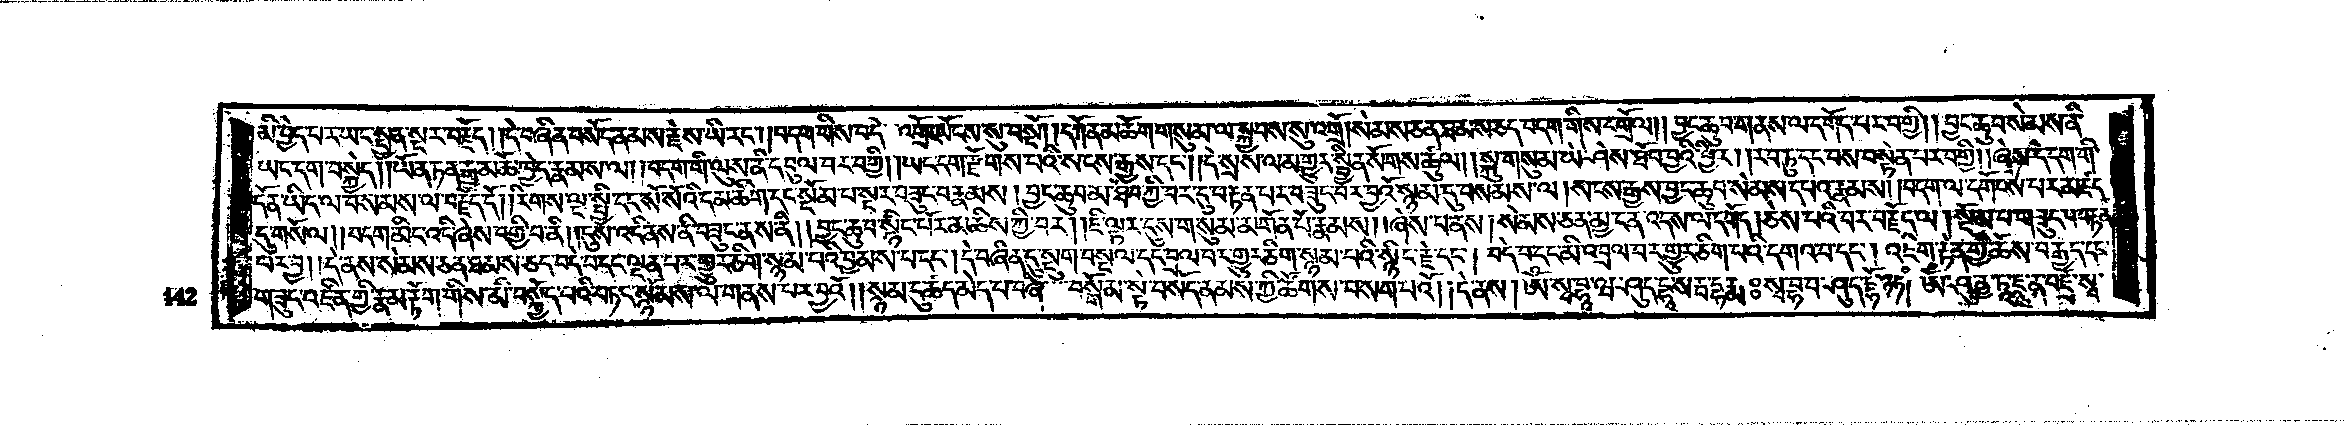མི་ཕྱེད་པར་ཡང་སྤྱན་སྔར་བརྗོད། །དེ་བཞིན་བསོད་ནམས་རྗེས་ཡི་རང་། །བདག་གིས་བདེ་འགྲོ་ཡོངས་སུ་བསྔོ། །དཀོན་མཆོག་གསུམ་ལ་སྐྱབས་སུ་འགྲོ། སེམས་ཅན་ཐམས་ཅད་བདག་གིས་བགྲོལ། །བྱང་ཆུབ་གནས་ལ་དགོད་པར་བགྱི། །བྱང་ཆུབ་སེམས་ནི་
ཡང་དག་བསྐྱེད། །ཡོན་ཏན་རྒྱ་མཚོ་ཁྱེད་རྣམས་ལ། །བདག་གི་ལུས་ནི་དབུལ་བར་བགྱི། །ཡང་དག་རྫོགས་པའི་སངས་རྒྱས་དང་། །དེ་སྲས་ལམ་གྱུར་སྦྱིན་སོགས་ཚུལ། །སྐུ་གསུམ་ཡེ་ཤེས་ཐོབ་བྱའི་ཕྱིར། །རབ་ཏུ་དང་བས་བསྟེན་པར་བགྱི། །ཞེས་དེ་དག་གི་
དོན་ཡིད་ལ་བསམས་ལ་བརྗོད་དོ། །རིགས་ལྔ་སྤྱི་དང་སོ་སོའི་དམ་ཚིག་དང་སྡོམ་པ་སྔར་བཟུང་བ་རྣམས། །བྱང་ཆུབ་མ་ཐོབ་ཀྱི་བར་དུ་བརྟན་པར་བཟུང་བར་བྱའོ་སྙམ་དུ་བསམས་ལ། སངས་རྒྱས་བྱང་ཆུབ་སེམས་དཔའ་རྣམས། །བདག་ལ་དགོངས་པར་མཛད་
དུ་གསོལ། །བདག་མིང་འདི་ཞེས་བགྱི་བ་ནི། །དུས་འདི་ནས་ནི་བཟུང་ནས་ནི། །བྱང་ཆུབ་སྙིང་པོར་མཆིས་ཀྱི་བར། །ཇི་ལྟར་དུས་གསུམ་མགོན་པོ་རྣམས། །ཞེས་པ་ནས། སེམས་ཅན་མྱ་ངན་འདས་ལ་དགོད། ཅེས་པའི་བར་བརྗོད་ལ། སྡོམ་པ་གཟུང་བ་བརྟན་
པར་བྱ། །དེ་ནས་སེམས་ཅན་ཐམས་ཅད་བདེ་བ་དང་ལྡན་པར་གྱུར་ཅིག་སྙམ་པའི་བྱམས་པ་དང་། དེ་བཞིན་དུ་སྡུག་བསྔལ་ལ་དང་བྲལ་བར་གྱུར་ཅིག་སྙམ་པའི་སྙིང་རྗེ་དང་། བདེ་བ་དང་མི་འབྲལ་བར་གྱུར་ཅིག་པའི་དགའ་བ་དང་། འཇིག་རྟེན་གྱི་ཆོས་བརྒྱད་དང་
གཟུང་འཛིན་གྱི་རྣམ་རྟོག་གིས་མི་བསྐྱོད་པའི་བཏང་སྙོམས་ལ་གནས་པར་བྱའོ། །སྙམ་དུ་ཚད་མེད་པ་བཞི་བསྒོམ་སྟེ་བསོད་ནམས་ཀྱི་ཚོགས་བསག་པའོ། །དེ་ནས། ཨོཾ་སྭ་བྷཱ་ཝ་ཤུད་དྷཱ་སརྦ་དྷརྨཿ སྭ་བྷ་བ་ཤུད་དྷོཉྷཾ། ཨོཾ་ཤུ་ནྱ་ཏཱ་ཛྙ་ན་བཛྲ་སྭ་